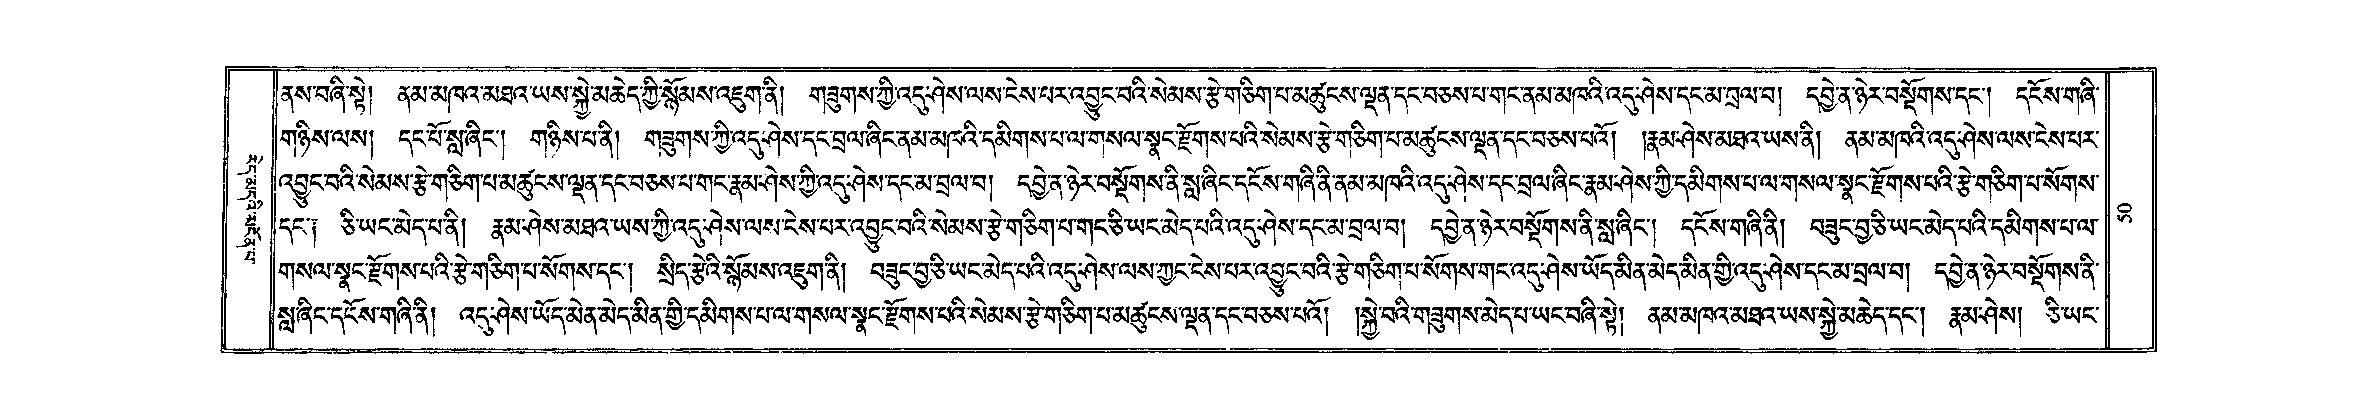ནས་བཞི་སྟེ། ནམ་མཁའ་མཐའ་ཡས་སྐྱེ་མཆེད་ཀྱི་སྙོམས་འཇུག་ནི། གཟུགས་ཀྱི་འདུ་ཤེས་ལས་ངེས་པར་འབྱུང་བའི་སེམས་རྩེ་གཅིག་པ་མཚུངས་ལྡན་དང་བཅས་པ་གང་ནམ་མཁའི་འདུ་ཤེས་དང་མ་བྲལ་བ། དབྱེ་ན་ཉེར་བསྡོགས་དང་། དངོས་གཞི་
གཉིས་ལས། དང་པོ་སླ་ཞིང་། གཉིས་པ་ནི། གཟུགས་ཀྱི་འདུ་ཤེས་དང་བྲལ་ཞིང་ནམ་མཁའི་དམིགས་པ་ལ་གསལ་སྣང་རྫོགས་པའི་སེམས་རྩེ་གཅིག་པ་མཚུངས་ལྡང་དང་བཅས་པའོ། །རྣམ་ཤེས་མཐའ་ཡས་ནི། ནམ་མཁའི་འདུ་ཤེས་ལས་ངེས་པར་
འབྱུང་བའི་སེམས་རྩེ་གཅིག་པ་མཚུངས་ལྡན་དང་བཅས་པ་གང་རྣམ་ཤེས་ཀྱི་འདུ་ཤེས་དང་མ་བྲལ་བ། དབྱེ་ན་ཉེར་བསྡོགས་ནི་སླ་ཞིང་དངོས་གཞི་ནི་ནམ་མཁའི་འདུ་ཤེས་དང་བྲལ་ཞིང་རྣམ་ཤེས་ཀྱི་དམིགས་པ་ལ་གསལ་སྣང་རྫོགས་པའི་རྩེ་གཅིག་པ་སོགས་
དང༑ ཅི་ཡང་མེད་པ་ནི། རྣམ་ཤེས་མཐའ་ཡས་ཀྱི་འདུ་ཤེས་ལས་ངེས་པར་འབྱུང་བའི་སེམས་རྩེ་གཅིག་པ་གང་ཅི་ཡང་མེད་པའི་འདུ་ཤེས་དང་མ་བྲལ་བ། དབྱེ་ན་ཉེར་བསྡོགས་ནི་སླ་ཞིང་། དངོས་གཞི་ནི། བཟུང་བྱ་ཅི་ཡང་མེད་པའི་དམིགས་པ་ལ་
གསལ་སྣང་རྫོགས་པའི་རྩེ་གཅིག་པ་སོགས་དང་། སྲིད་རྩེའི་སྙོམས་འཇུག་ནི། བཟུང་བྱ་ཅི་ཡང་མེད་པའི་འདུ་ཤེས་ལས་ཀྱང་ངེས་པར་འབྱུང་བའི་རྩེ་གཅིག་པ་སོགས་གང་འདུ་ཤེས་ཡོད་མིན་མེད་མིན་གྱི་འདུ་ཤེས་དང་མ་བྲལ་བ། དབྱེ་ན་ཉེར་བསྡོགས་ནི་
སླ་ཞིང་དངོས་གཞི་ནི། འདུ་ཤེས་ཡོད་མེན་མེད་མིན་གྱི་དམིགས་པ་ལ་གསལ་སྣང་རྫོགས་པའི་སེམས་རྩེ་གཅིག་པ་མཚུངས་ལྡན་དང་བཅས་པའོ། །སྐྱེ་བའི་གཟུགས་མེད་པ་ཡང་བཞི་སྟེ། ནམ་མཁའ་མཐའ་ཡས་སྐྱེ་མཆེད་དང་། རྣམ་ཤེས། ཅི་ཡང་